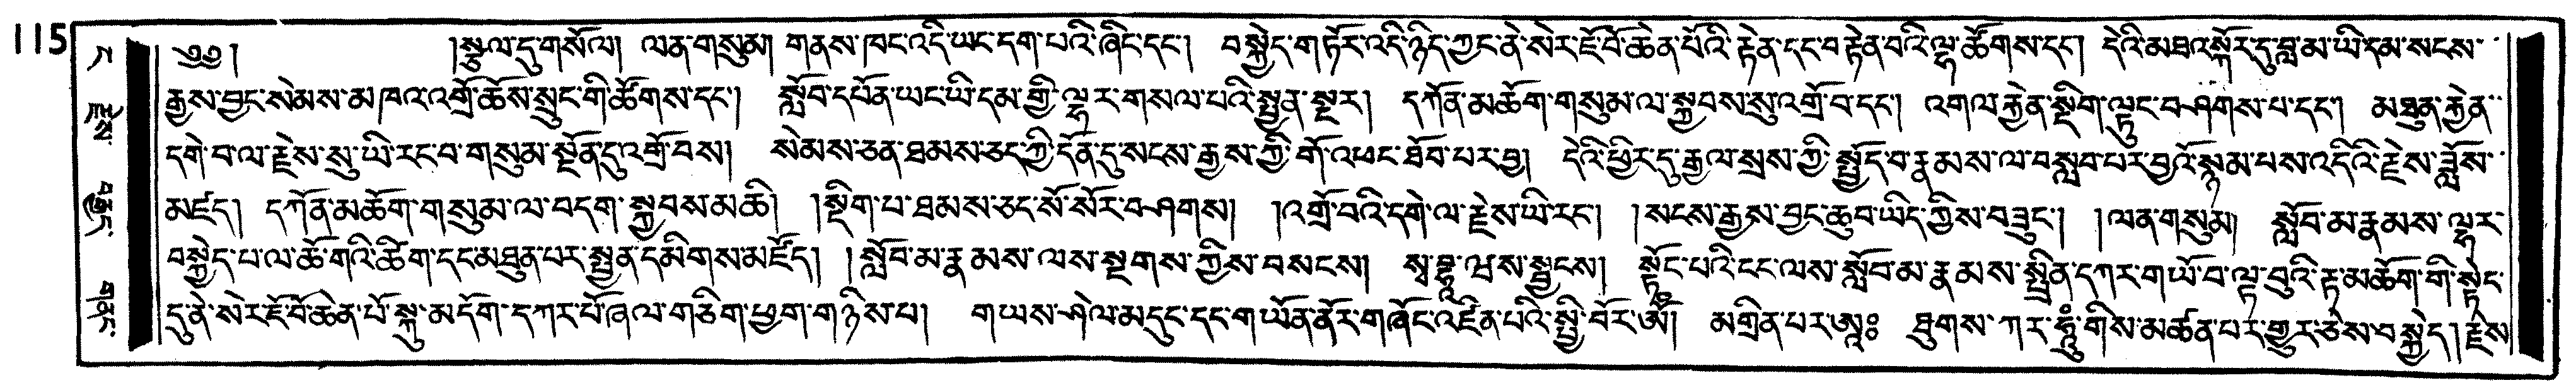༄༅། །སྩལ་དུ་གསོལ། ལན་གསུམ། གནས་ཁང་འདི་ཡང་དག་པའི་ཞིང་དང་། བསྐྱེད་གཏོར་འདི་ཉིད་ཀྱང་ནེ་སེར་ཇོ་བོ་ཆེན་པོའི་རྟེན་དང་བརྟེན་པའི་ལྷ་ཚོགས་དང་། དེའི་མཐའ་སྐོར་དུ་བླ་མ་ཡི་དམ་སངས་
རྒྱས་བྱང་སེམས་མཁའ་འགྲོ་ཆོས་སྲུང་གི་ཚོགས་དང་། སློབ་དཔོན་ཡང་ཡི་དམ་གྱི་ལྷར་གསལ་པའི་སྤྱན་སྔར། དཀོན་མཆོག་གསུམ་ལ་སྐྱབས་སུ་འགྲོ་བ་དང་། འགལ་རྐྱེན་སྡིག་ལྟུང་བཤགས་པ་དང་། མཐུན་རྐྱེན་
དགེ་བ་ལ་རྗེས་སུ་ཡི་རང་བ་གསུམ་སྔོན་དུ་འགྲོ་བས། སེམས་ཅན་ཐམས་ཅད་ཀྱི་དོན་དུ་སངས་རྒྱས་ཀྱི་གོ་འཕང་ཐོབ་པར་བྱ། དེའི་ཕྱིར་དུ་རྒྱལ་སྲས་ཀྱི་སྤྱོད་པ་རྣམས་ལ་བསླབ་པར་བྱའོ་སྙམ་པས་འདིའི་རྗེས་ཟློས་
མཛད། དཀོན་མཆོག་གསུམ་ལ་བདག་སྐྱབས་མཆི། །སྡིག་པ་ཐམས་ཅད་སོ་སོར་བཤགས། །འགྲོ་བའི་དགེ་ལ་རྗེས་ཡི་རང་། །སངས་རྒྱས་བྱང་ཆུབ་ཡིད་ཀྱིས་བཟུང་། །ལན་གསུམ། སློབ་མ་རྣམས་ལྷར་
བསྐྱེད་པ་ལ་ཆོ་གའི་ཚིག་དང་མཐུན་པར་སྤྱན་དམིགས་མཛོད། །སློབ་མ་རྣམས་ལས་སྔགས་ཀྱིས་བསངས། སྭ་བྷཱ་ཝས་སྦྱངས། སྟོང་པའི་ངང་ལས་སློབ་མ་རྣམས་སྤྲིན་དཀར་གཡོ་བ་ལྟ་བུའི་རྟ་མཆོག་གི་སྟེང་
དུ་ནེ་སེར་ཇོ་བོ་ཆེན་པོ་སྐུ་མདོག་དཀར་པོ་ཞལ་གཅིག་ཕྱག་གཉིས་པ། གཡས་ཤེལ་མདུང་དང་གཡོན་ནོར་གཞོང་འཛིན་པའི་སྤྱི་བོར་ཨོཾ། མགྲིན་པར་ཨཱཿ ཐུགས་ཀར་ཧཱུཾ་གིས་མཚན་པར་གྱུར་ཅེས་བསྐྱེད། རྗེས་